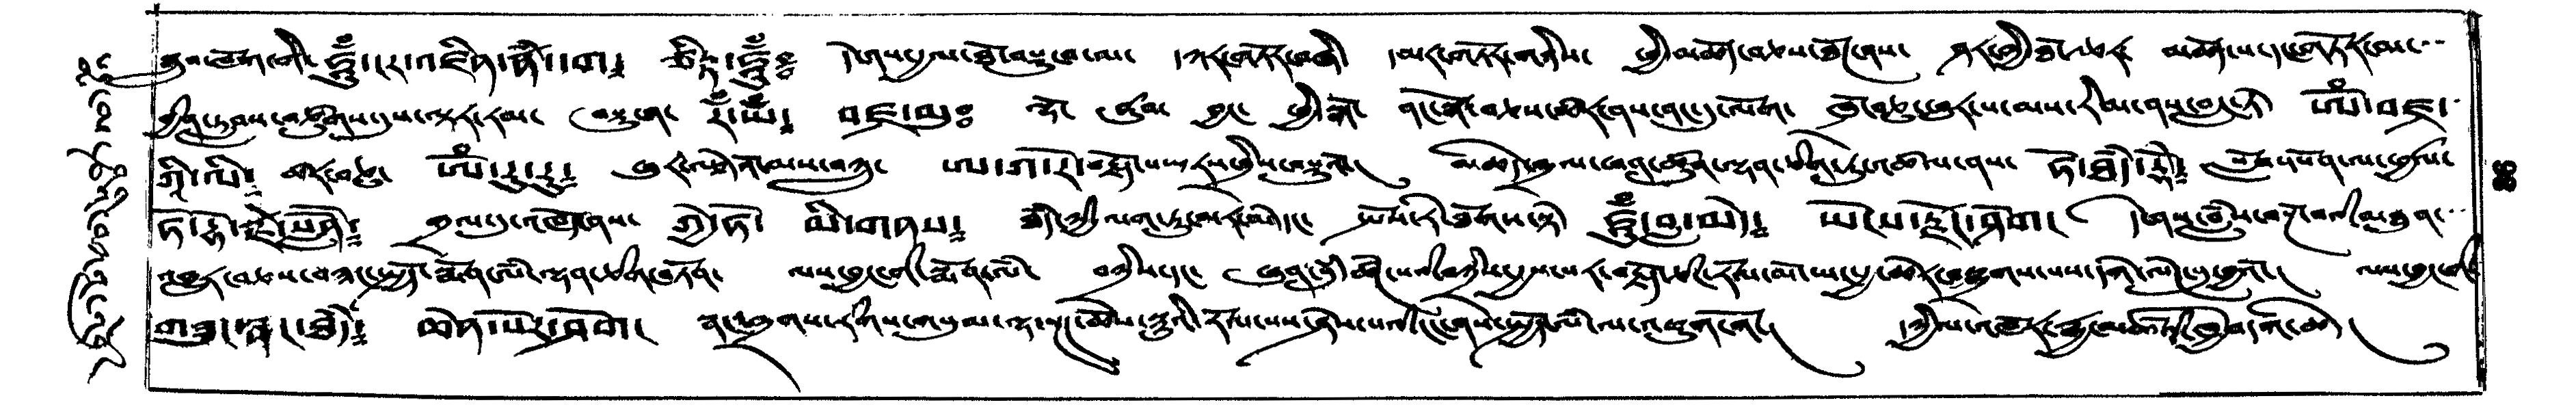སྒྲུབ་ཁོག་གི་ཧཱུྃ་ངར་འཛིན་རྣམ་དག༴ ཙིཏྟ་ཧཱུྃ༔ དེ་ནས་རྒྱལ་ཐོ་བསྡུ་བ་ལ། དཀར་གཏོར་བཞི། དམར་གཏོར་གཉིས། ཕྱི་མཆོད་བཅས་ཐོགས་ནས། ཤར་གྱི་ཐོ་རྩར། མཆོད་པ་དང་གཏོར་མ་
བྱིན་བརླབས་བཙུགས་དུས་ལྟར་རམ། བསྡུ་ན། རྃ་ཡྃ༴ བཛྲ་མུཿ ལྷོ། ནུབ། བྱང་། ཕྱི་སྒོ། ནང་སྒོ་བཅས་ཚར་ནས་ནང་དུ་ལོག ཁྲོ་བཅུ་ཕུར་པ་མས་རིམ་ནས་བླང་སྟེ། ཨོཾ་བཛྲ་
ཀཱི་ལི༴ ཚར་བཅུ ཨོཾ་རུ་རུ༴ ཕུར་རྩེ་འོ་མས་བཀྲུ། ཨ་ཀ་རོ་བརྗོད་པས་རས་བྲིས་བསྡུའོ།། མཆེད་གྲལ་ཕན་ཚུན་ལྷན་ཅིག་ཏུ་འཚལ་ནས། ཧོ་ཐམས་ཅད་རྡོ་རྗེ༴ སློབ་དཔོན་ལ་ཕྱག་འཚལ། 
ཧོ་རྡོ་རྗེ་སློབ་དཔོན༴ གྲལ་དུ་འཁོད་ནས། ཀྱེ་ཧོ། མི་གནས༴ ཐམས་ཅད་ཀྱི་ལག་ཏུ་མར་མེ་དང་། སྤོས་རེ་ཐོགས་ཏེ། ཧཱུྃ་བླ་མེད༴ ཡོངས་རྫོགས་ཤོག དེ་ནས་བླ་མས་བསྔོ་བའི་མཐུན་
འགྱུར་བཅས་བཟང་སྤྱོད་སྨོན་ལམ་ལྷན་ཅིག་བཏོན། ལས་བྱང་གི་སྨོན་ལམ། བཀྲ་ཤིས་དང་། ཕུན་སུམ་ཚོགས་པའི་བཀྲ་ཤིས་རྒྱས་པར་བརྗོད་ཅིང་རོལ་མོ་ཡང་རྒྱ་ཆེར་བསྒྲགས་པས་དགེ་ལེགས་སུ་བྱའོ།།ལས་བྱང་གི་
གཟུང་སྣང་ཐམས་ཅད༴ ཆེན་པོར་ཤོག སྣང་གྲགས་རིག་གསུམ་ལྷ་སྔགས་ཆོས་སྐུའི་རོལ་པ་ཤེས་པའི་ངང་ནས་སྤྱོད་ལམ་ལ་འཇུག་གོ།། དཀྱིལ་འཁོར་རྒྱ་མཚོའི་ཁྱབ་བདག་ཆེ།།